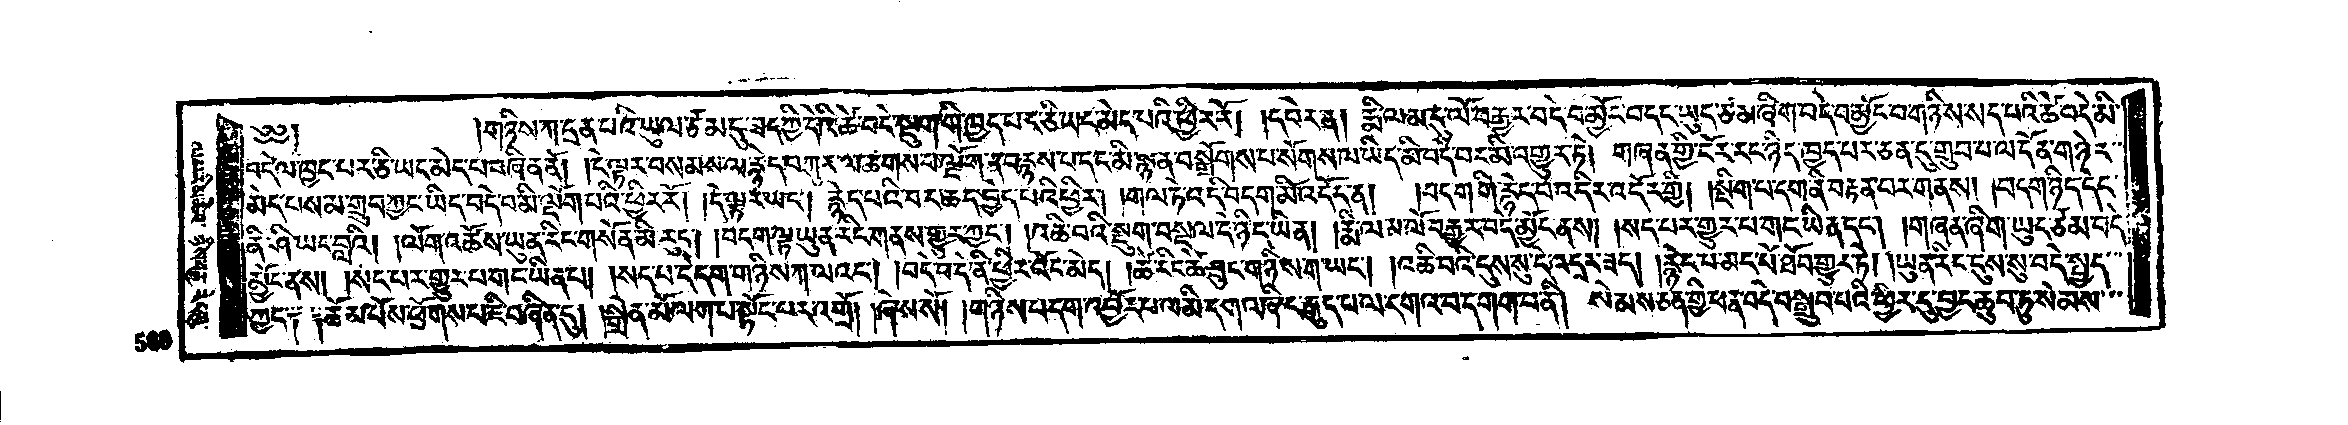༄༅། །གཉིས་ཀ་དྲན་པའི་ཡུལ་ཙམ་དུ་ཟད་ཀྱི་དེའི་ཚེ་བདེ་སྡུག་གི་ཁྱད་པར་ཅི་ཡང་མེད་པའི་ཕྱིར་རོ། །དཔེར་ན། རྨི་ལམ་དུ་ལོ་བརྒྱར་བདེ་བ་མྱོང་བ་དང་ཡུད་ཙམ་ཞིག་བདེ་བ་མྱོང་བ་གཉིས་སད་པའི་ཚེ་བདེ་མི་
བདེ་ལ་ཁྱད་པར་ཅི་ཡང་མེད་པ་བཞིན་ནོ། །དེ་ལྟར་བསམས་ལ་རྙེད་བཀུར་ལ་ཆགས་པ་ལྡོག་ན་བརྙས་པ་དང་མི་སྙན་པ་སྒྲོགས་པ་སོགས་ལ་ཡིད་མི་བདེ་བར་མི་འགྱུར་ཏེ། གཞན་གྱི་ངོར་རང་ཉིད་ཁྱད་པར་ཅན་དུ་གྲུབ་པ་ལ་དོན་གཉེར་
མེད་པས་མ་གྲུབ་ཀྱང་ཡིད་བདེ་བ་མི་ལྡོག་པའི་ཕྱིར་རོ། །དེ་ལྟར་ཡང་། རྙེད་པའི་བར་ཆད་བྱེད་པའི་ཕྱིར། །གལ་ཏེ་འདི་བདག་མི་འདོད་ན། །བདག་གི་རྙེད་པ་འདིར་འདོར་གྱི། །སྡིག་པ་དག་ནི་བརྟན་པར་གནས། །བདག་ཉིད་དེང་
ནི་ཤི་ཡང་བླའི། །ལོག་འཚོས་ཡུན་རིང་གསོན་མི་རུང་། །བདག་ལྟ་ཡུན་རིང་གནས་གྱུར་ཀྱང་། །འཆི་བའི་སྡུག་བསྔལ་དེ་ཉིད་ཡིན། །རྨི་ལམ་ལོ་བརྒྱར་བདེ་མྱོང་ནས། །སད་པར་གྱུར་པ་གང་ཡིན་དང་། །གཞན་ཞིག་ཡུད་ཙམ་བདེ་
མྱོང་ནས། །སད་པར་གྱུར་པ་གང་ཡིན་པ། །སད་པ་དེ་དག་གཉིས་ཀ་ལའང་། །བདེ་བ་དེ་ནི་ཕྱིར་འོང་མེད། །ཚེ་རིང་ཚེ་ཐུང་གཉིས་ཀ་ཡང་། །འཆི་བའི་དུས་སུ་དེ་འདྲར་ཟད། །རྙེད་པ་མང་པོ་ཐོབ་གྱུར་ཏེ། །ཡུན་རིང་དུས་སུ་བདེ་སྤྱད་
ཀྱང༑ ༑ཆོམ་པོས་ཕྲོགས་པ་ཇི་བཞིན་དུ། །སྒྲེན་མོ་ལག་པ་སྟོང་པར་འགྲོ། །ཞེས་སོ། །གཉིས་པ་དགྲ་འབྱོར་པ་ལ་མི་དགའ་ཞིང་རྒུད་པ་ལ་དགའ་བ་དགག་པ་ནི། སེམས་ཅན་གྱི་ཕན་བདེ་བསྒྲུབ་པའི་ཕྱིར་དུ་བྱང་ཆུབ་ཏུ་སེམས་